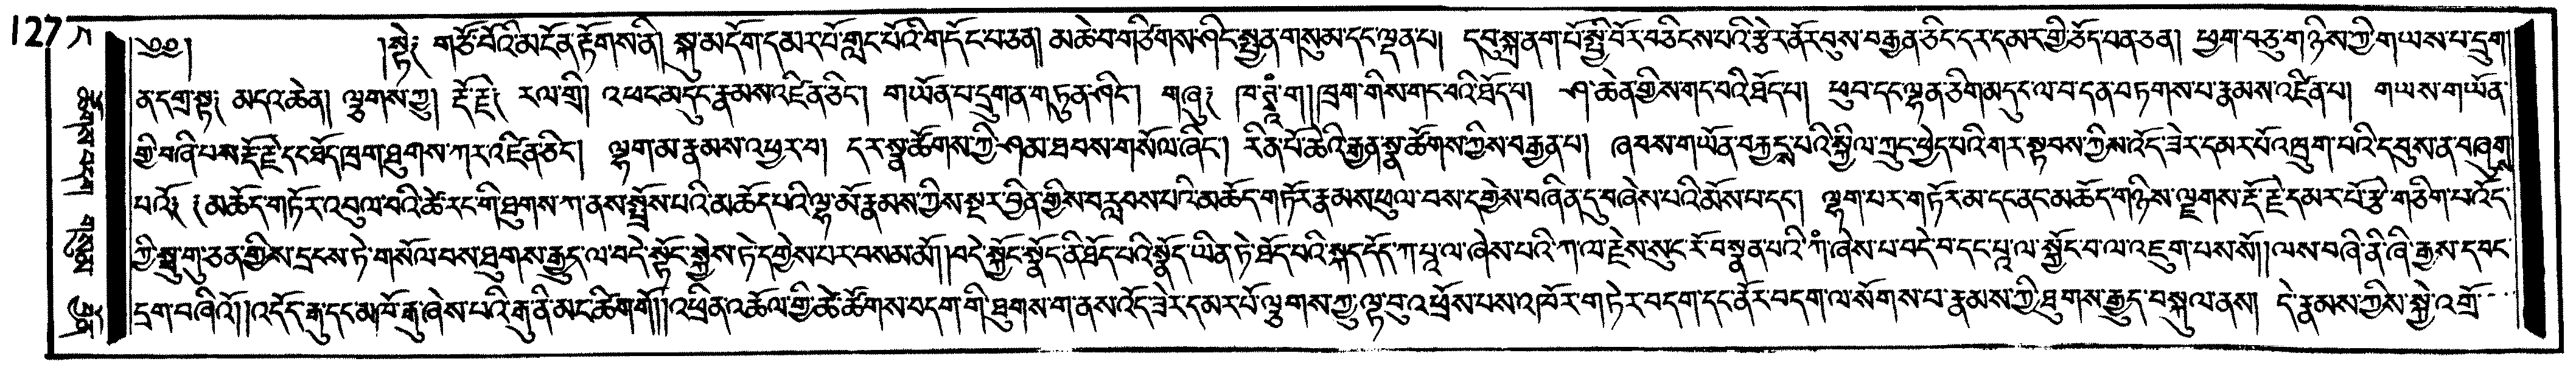༄༅། །སྟེ༑ གཙོ་བོའི་མངོན་རྟོགས་ནི། སྐུ་མདོག་དམར་པོ་གླང་པོའི་གདོང་པ་ཅན། མཆེ་བ་གཙིགས་ཤིང་སྤྱན་གསུམ་དང་ལྡན་པ། དབུ་སྐྲ་ནག་པོ་སྤྱི་བོར་བཅིངས་པའི་རྩེར་ནོར་བུས་བརྒྱན་ཅིང་དར་དམར་གྱི་ཅོད་བན་ཅན། ཕྱག་བཅུ་གཉིས་ཀྱི་གཡས་པ་དྲུག་
ན་དགྲ་སྟ༑ མདའ་ཆེན། ལྕགས་ཀྱུ། རྡོ་རྗེ༑ རལ་གྲི། འཕང་མདུང་རྣམས་འཛིན་ཅིང་། གཡོན་པ་དྲུག་ན་གཏུན་ཤིང་། གཞུ༑ ཁ་ཊྭཱཾ་ག །ཁྲག་གིས་གང་བའི་ཐོད་པ། ཤ་ཆེན་གྱིས་གང་བའི་ཐོད་པ། ཕུབ་དང་ལྷན་ཅིག་མདུང་ལ་བ་དན་བཏགས་པ་རྣམས་འཛིན་པ། གཡས་གཡོན་
གྱི་བཞི་པས་རྡོ་རྗེ་དང་ཐོད་ཁྲག་ཐུགས་ཀར་འཛིན་ཅིང་། ལྷག་མ་རྣམས་འཕྱར་བ། དར་སྣ་ཚོགས་ཀྱི་ཤམ་ཐབས་གསོལ་ཞིང་། རིན་པོ་ཆེའི་རྒྱན་སྣ་ཚོགས་ཀྱིས་བརྒྱན་པ། ཞབས་གཡོན་བརྐྱངས་པའི་སྐྱིལ་ཀྲུང་ཕྱེད་པའི་གར་སྟབས་ཀྱིས་འོད་ཟེར་དམར་པོ་འཁྲུག་པའི་དབུས་ན་བཞུགས་
པའོ༑ ༑མཆོད་གཏོར་འབུལ་བའི་ཚེ་རང་གི་ཐུགས་ཀ་ནས་སྤྲོས་པའི་མཆོད་པའི་ལྷ་མོ་རྣམས་ཀྱིས་སྔར་བྱིན་གྱིས་བརླབས་པའི་མཆོད་གཏོར་རྣམས་ཕུལ་བས་དགྱེས་བཞིན་དུ་བཞེས་པའི་མོས་པ་དང་། ལྷག་པར་གཏོར་མ་དང་ནང་མཆོད་གཉིས་ལྗགས་རྡོ་རྗེ་དམར་པོ་རྩེ་གཅིག་པ་འོད་
ཀྱི་སྤུ་གུ་ཅན་གྱིས་དྲངས་ཏེ་གསོལ་བས་ཐུགས་རྒྱུད་ལ་བདེ་སྟོང་སྐྱེས་ཏེ་དགྱེས་པར་བསམ་མོ། །བདེ་སྐྱོང་སྣོད་ནི་ཐོད་པའི་སྣོད་ཡིན་ཏེ་ཐོད་པའི་སྐད་དོད་ཀ་པཱ་ལ་ཞེས་པའི་ཀ་ལ་རྗེས་སུང་རོ་བསྣན་པའི་ཀཾ་ཞེས་པ་བདེ་བ་དང་པཱ་ལ་སྐྱོང་བ་ལ་འཇུག་པས་སོ། །ལས་བཞི་ནི་ཞི་རྒྱས་དབང་
དྲག་བཞིའོ། །འདོད་རྒུ་དང་མཁོ་རྒུ་ཞེས་པའི་རྒུ་ནི་མང་ཚིག་གོ། །འཕྲིན་འཆོལ་གྱི་ཚེ་ཚོགས་བདག་གི་ཐུགས་ག་ནས་འོད་ཟེར་དམར་པོ་ལྕགས་ཀྱུ་ལྟ་བུ་འཕྲོས་པས་འཁོར་གཏེར་བདག་དང་ནོར་བདག་ལ་སོགས་པ་རྣམས་ཀྱི་ཐུགས་རྒྱུད་བསྐུལ་ནས། དེ་རྣམས་ཀྱིས་སྐྱེ་འགྲོ་